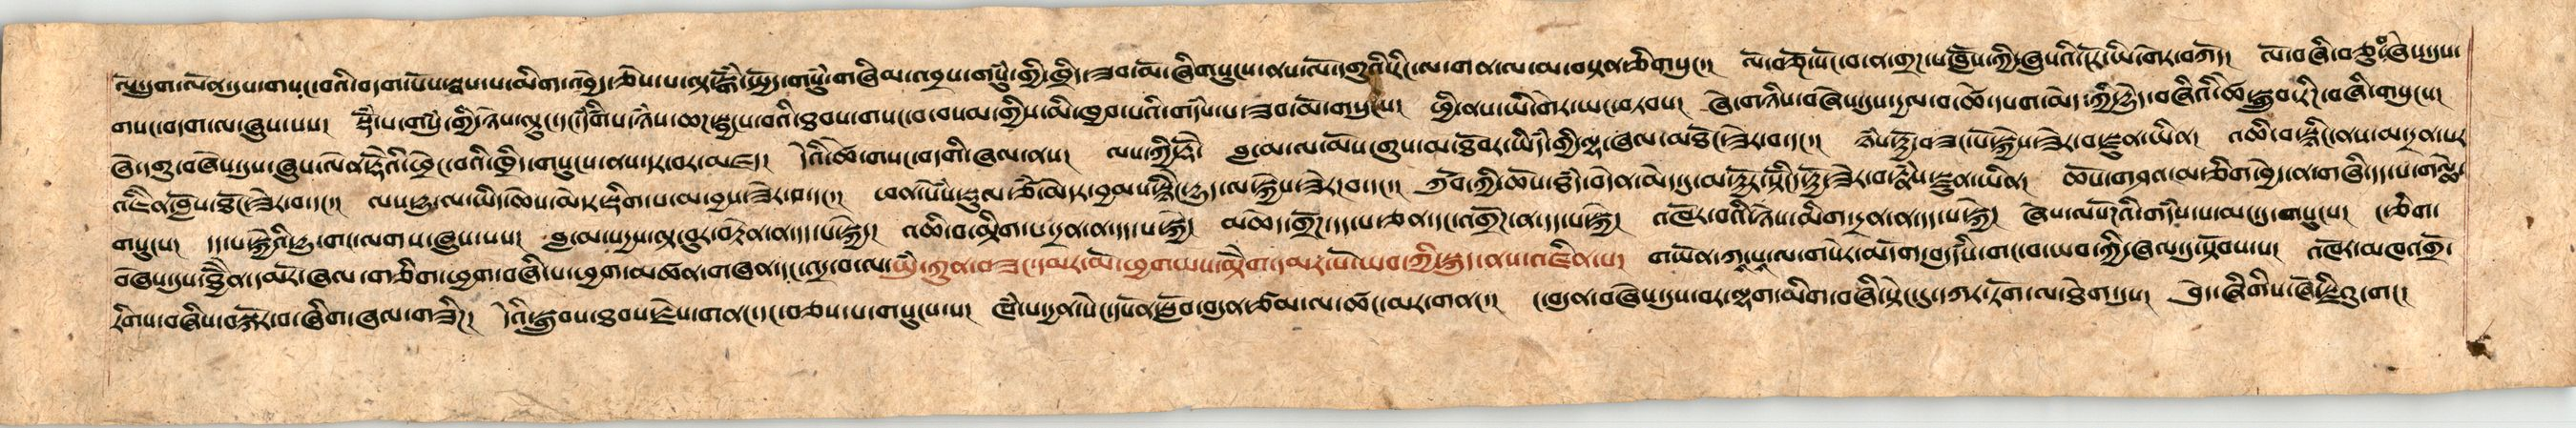ལོ་དྲུག་ལོན་དུས་གསང་བའི་བདག་པོས་སྦས་པ་མིག་འབྱེད་ཅེས་པ་ལྟ་སྒོཾ་སྤྱོད་གསུཾ་གཞིམ་འབྲས་གསུཾ་གྱི་ཁྲིད་ཟབ་མོ་ཞིགསུངས་ནས་ལོ་དགུའི་རིང་ལ་གན་ལ་མ་བསྟན་ཅིགསུང་། ལོ་བཅྔོ་སོང་བ་ན་གྲཌ་པ་བླཽས་ཀྱི་ཞུསའི་ངོར་ཡི་གེར་བཀོད། ལོ་བཞི་བཅུ་བཞེས་དུས་
གསང་བདག་ལ་ཞུས་པས། སྡོཾ་པ་གསུཾ་གྱི་ཉེས་ལྟུང་དང་དཾཚིགས་ཉཾས་ཆཌ་སྦྱངས་བའི་ཐབས་གསང་བ་བསམ་གྱིས་མི་ཁྱབ་པའི་གདཾས་པ་ཟབ་མོ་གསུངས། ཕྱི་ནས་ཡི་གེར་ཡང་བཏབས། ཞེ་གཉིས་བཞེས་དུས་དྱལ་བ་ཚེ་དཔག་མེད་ཀྱི་དྱེུད་བཞིའི་ཚེ་སྒྲུབ་རིཌ་བཞི་གསུངས།
ཞེ་དགུ་བཞེས་དུས་ཞུས་ལེན་རྡོའེི་ཕྲེང་བའི་ཁྲིད་གསུངས་ནས་དར་བར་མཛད། དེའི་ཚེ་གསང་བདགི་ཞལ་ནས། ལས་ཀྱི་རྡོ་ེ བླ་མ་ལ་མོས་གུས་མ་ཐོབར་ཡིདཾ་གྱི་ལྷ་ཞལ་མཐོང་ཟེར་བ་དང་། ཉཾས་རྟྱོ་བཟང་པོ་སྐྱེས་ཟེར་བ་སྫུན་ཡིན། འཆི་བ་སྙིང་ནས་མ་དྲན་པར་
འཇིནེ་བློས་ཐོང་ཟེར་བ་དང་། ལས་དྱུ་ལ་ཡིད་ཆེས་མེདར་སྡིག་པ་མ་བྱས་ཟེར་བ་དང་། ཕན་སེསཾ་སྡུལ་ཙཾ་མེདར་བྱམས་སྙིང་ེདྱུད་ལ་སྐྱེས་ཟེར་བ་དང་། ཀུཛོབ་ཀྱི་ཆོས་ཐཾད་བདེན་མེད་དུ་མ་རྟྱོར་སྟོངིད་རྟྱོ་ཟེར་པ་རྣཾས་སྫུན་ཡིན། ཆོས་གཤའ་མ་ཅིག་བྱེད་ན་གཞི་དད་པ་གལྖེ་
གསུངས། དད་པ་སྐྱེའི་དྱུ་གང་ལགས་ཞུས་པས། བླ་མ་སདྱས་ལྟ་བུར་བརྟེན་ན་དད་པ་སྐྱེ། འཆི་བ་མྟིག་པ་དྲན་ན་དད་པ་སྐྱེ། མཆེད་གྲོཌ་དད་པ་ཅན་དང་འགྲོཌ་ན་དད་པ་སྐྱེ། འཁོར་བའི་ཉེས་མིག་དྲན་ན་དད་པ་སྐྱེ། ཞེས་ལསོཌའི་གདཾས་པ་མང་དུ་གསུངས། ང་ཅིག་
བཞེས་དུས་ཐྱཻནོ་དམརོ་ཞལ་གཅིག་ཕྱག་བཞི་པ་ཕྱག་མཚན་གཞན་དང་འདྲ་བ་ལ་ཡུཾ་ཀུན་བཟང་དམར་མོ་ཕྱགཡས་མྟེགོ་དམར་པོ་ཡབ་ཀྱི་སྐུད་ནས་འཛིན་པ། གཡོན་ཀཱ་པཱ་ལ་གསེར་མདོག་བདུདརྩིས་གང་བ་ཡབ་ཀྱི་ཞལ་དུ་སྟོབས་པ། འཁོར་མཁའགྲོ་
རིགས་བཞིས་བསྐོར་བ་ཞིག་ཞལ་གཟིཌ། དེའི་སྒྲུབས་ཐབས་རྗེས་གནང་དང་བཅས་པ་གསུངས་པ། ཁཾ་པ་དྱན་སེང་དཔོན་སློབ་བདུན་ཙམ་ལ་ཚང་མར་གནང་། ང་བདུན་བཞེས་དུས་བར་ལྷག་མིག་བཞི་སྟེང་དུ་དཀར་ཏོག་ལ་ཐེག་དུས། བེུད་ཞིགིས་ཞོ་སྫིའུ་གང་།